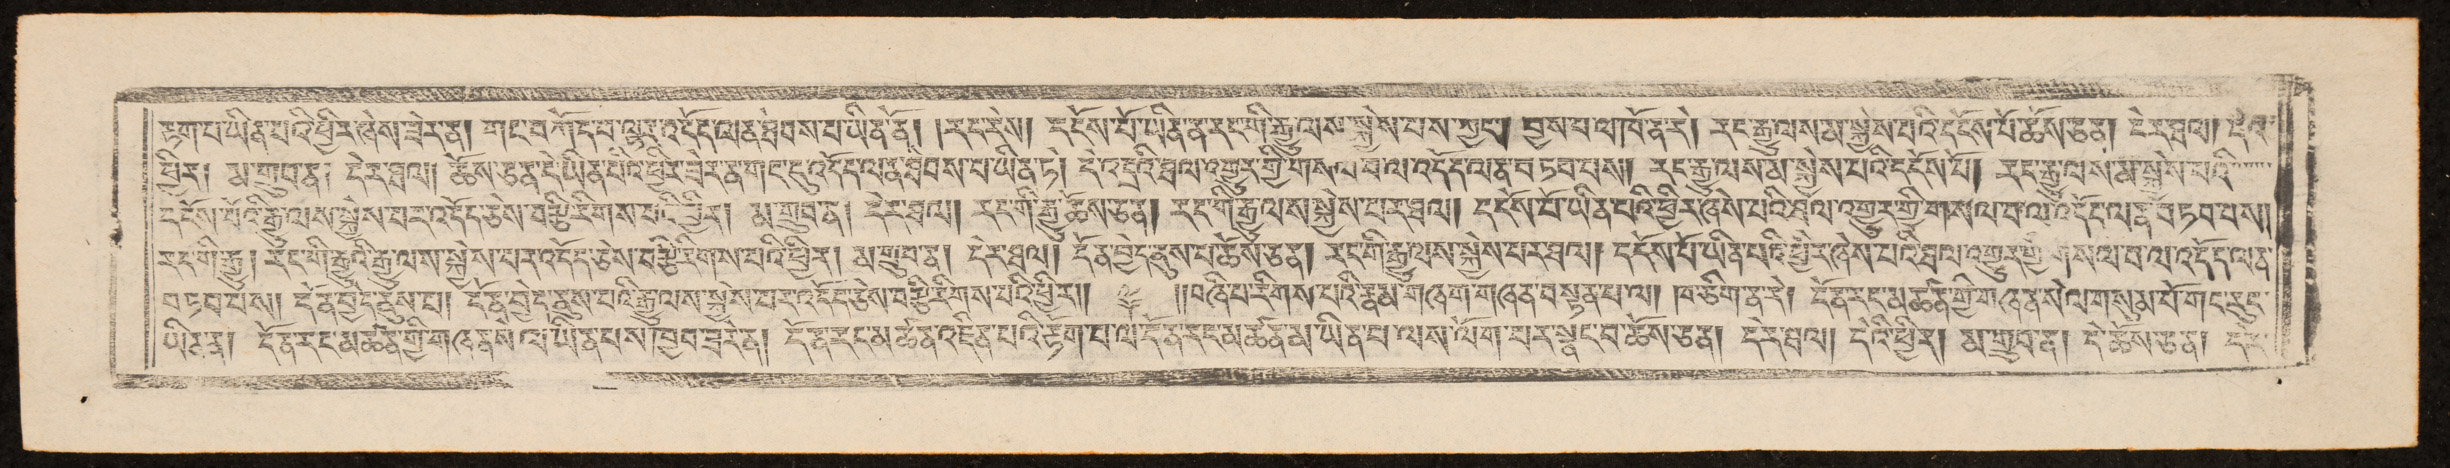རྟག་པ་ཡིན་པའི་ཕྱིར་ཞེས་ཟེར་ན། གང་བཀོད་པ་ལྟར་འདོད་ལན་ཐེབས་པ་ཡིན་ནོ། །རང་རེས། དངོས་པོ་ཡིན་ན་རང་གི་རྒྱུ་ལས་སྐྱེས་པས་ཁྱབ། བྱས་པ་ལ་ཁོ་ན་རེ། རང་རྒྱུ་ལས་མ་སྐྱེས་པའི་དངོས་པོ་ཆོས་ཅན། དེར་ཐལ། དེའི་
ཕྱིར། མ་གྲུབ་ན། དེར་ཐལ། ཆོས་ཅན་དེ་ཡིན་པའི་ཕྱིར་ཟེར་ན་གོང་དུ་འདོད་ལན་ཐེབས་པ་ཡིན་ཏེ། དེ་འདྲའི་ཐལ་འགྱུར་གྱི་གསལ་བ་ལ་འདོད་ལན་བཏབ་པས། རང་རྒྱུ་ལས་མ་སྐྱེས་པའི་དངོས་པོ། རང་རྒྱུ་ལས་མ་སྐྱེས་པའི་
དངོས་པོའི་རྒྱུ་ལས་སྐྱེས་པར་འདོད་ཅེས་བརྩི་རིགས་པའི་ཕྱིར། མ་གྲུབ་ན། དེར་ཐལ། རང་གི་རྒྱུ་ཆོས་ཅན། རང་གི་རྒྱུ་ལས་སྐྱེས་པར་ཐལ། དངོས་པོ་ཡིན་པའི་ཕྱིར་ཞེས་པའི་ཐལ་འགྱུར་གྱི་གསལ་བ་ལ་འདོད་ལན་བཏབ་པས།
རང་གི་རྒྱུ། རང་གི་རྒྱུའི་རྒྱུ་ལས་སྐྱེས་པར་འདོད་ཅེས་བརྩི་རིགས་པའི་ཕྱིར། མ་གྲུབ་ན། དེར་ཐལ། དོན་བྱེད་ནུས་པ་ཆོས་ཅན། རང་གི་རྒྱུ་ལས་སྐྱེས་པར་ཐལ། དངོས་པོ་ཡིན་པའི་ཕྱིར་ཞེས་པའི་ཐལ་འགྱུར་གྱི་གསལ་བ་ལ་འདོད་ལན་
བཏབ་པས། དོན་བྱེད་ནུས་པ། དོན་བྱེད་ནུས་པའི་རྒྱུ་ལས་སྐྱེས་པར་འདོད་ཅེས་བརྩི་རིགས་པའི་ཕྱིར།། ~་།།བཞི་པ་རིགས་པའི་རྣམ་གཞག་གཞན་བསྟན་པ་ལ། ཁ་ཅིག་ན་རེ། དོན་རང་མཚན་གྱི་གཞན་སེལ་གསུམ་པོ་གང་རུང་
ཡིན་ན། དོན་རང་མཚན་གྱི་གཞན་སེལ་ཡིན་པས་ཁྱབ་ཟེར་ན། དོན་རང་མཚན་འཛི་པའི་རྟོག་པ་ལ་དོན་རང་མཚན་མ་ཡིན་པ་ལས་ལོག་པར་སྣང་བ་ཆོས་ཅན། དེར་ཐལ། དེའི་ཕྱིར། མ་གྲུབ་ན། དེ་ཆོས་ཅན། དེར་